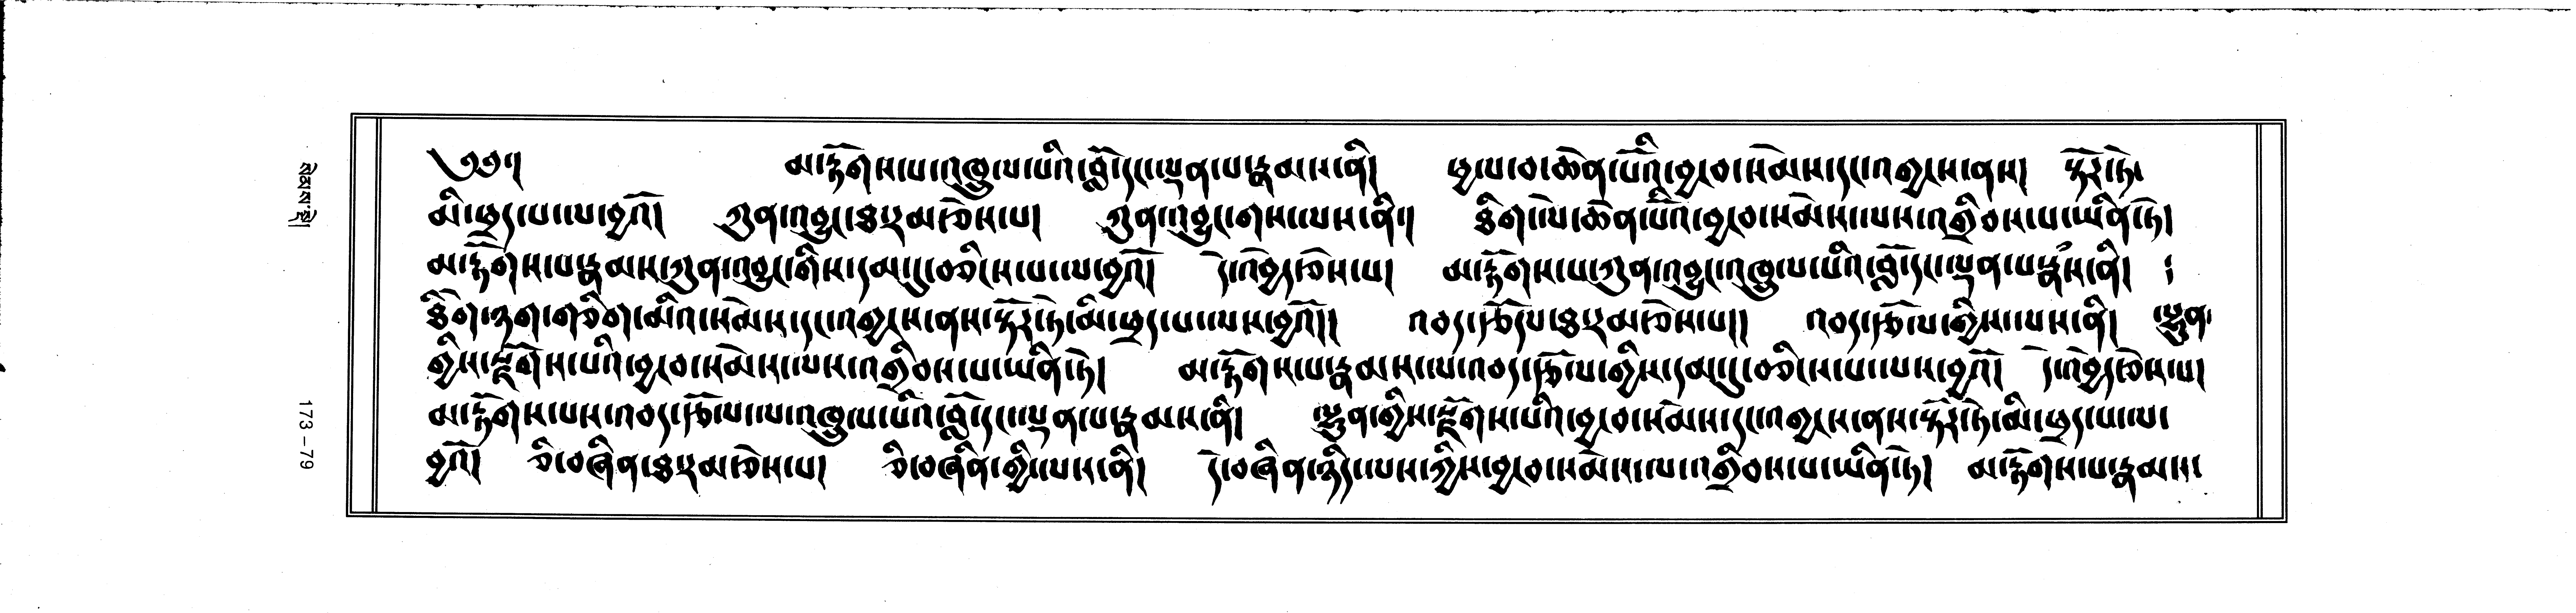མ་རྟོགས་པ་འཁྲུལ་པའི་བློ་དང་ལྡན་པ་རྣམས་ནི། ཕྱལ་པ་ཆེན་པོའི་བྱང་ཆུབ་སེམས་དང་འགྱངས་ནས། སྟོར་ཏེ་
མི་འཕྲད་པ་ལ་བྱའོ། །ཀུན་འབྱུང་ཐ་རམ་ཅེས་པ། ཀུན་འབྱུང་ལས་ནི། ཐེག་པ་ཆེན་པོའི་བྱང་ཆུབ་སེམས་ལས་འགྲིབ་པ་ཡིན་ཏེ། 
མ་རྟོགས་པ་རྣམས་ཀུན་འབྱུང་གིས་དམ་དུ་བཅིངས་པ་ལ་བྱའོ། དེ་འབྱེད་ཅེས་པས། མ་རྟོགས་པ་ཀུན་འབྱུང་འཁྲུལ་པའི་བློ་དང་ལྡན་པ་རྣམས་ནི། 
ཐིག་ལེ་ཉག་གཅིག་མའི་སེམས་དང་འགྱངས་ནས་སྟོར་ཏེ་མི་འཕྲད་པ་ལ་བྱའོ། །འབད་རྩོལ་ཐ་རམ་ཅེས་པ། འབད་རྩོལ་གྱི་ལས་ནི། ལྷུན་
གྱིས་རྫོགས་པའི་བྱང་ཆུབ་སེམས་ལ་འགྲིབ་པ་ཡིན་ཏེ། མ་རྟོགས་པ་རྣམས་འབད་རྩོལ་གྱིས་དམ་དུ་བཅིངས་པ་ལ་བྱའོ། དེ་འབྱེད་ཅེས་སེམས་ཅན་
མ་རྟོགས་པ་འཁྲུལ་པའི་བློ་དང་ལྡན་པ་རྣམས་ནི། ལྷུན་གྱིས་རྫོགས་པའི་བྱང་ཆུབ་སེམས་དང་འགྱངས་ནས་སྟོར་ཏེ་མི་འཕྲད་པ་ལ་
བྱའོ། །ཅི་བཞིན་ཐ་རམ་ཅེས་པ། ཅི་བཞིན་གྱི་ལས་ནི། དེ་བཞིན་ཉིད་ལས་ཀྱིས་བྱང་ཆུབ་སེམས་ལ་འགྲིབ་པ་ཡིན་ཏེ། མ་རྟོགས་པ་རྣམས་